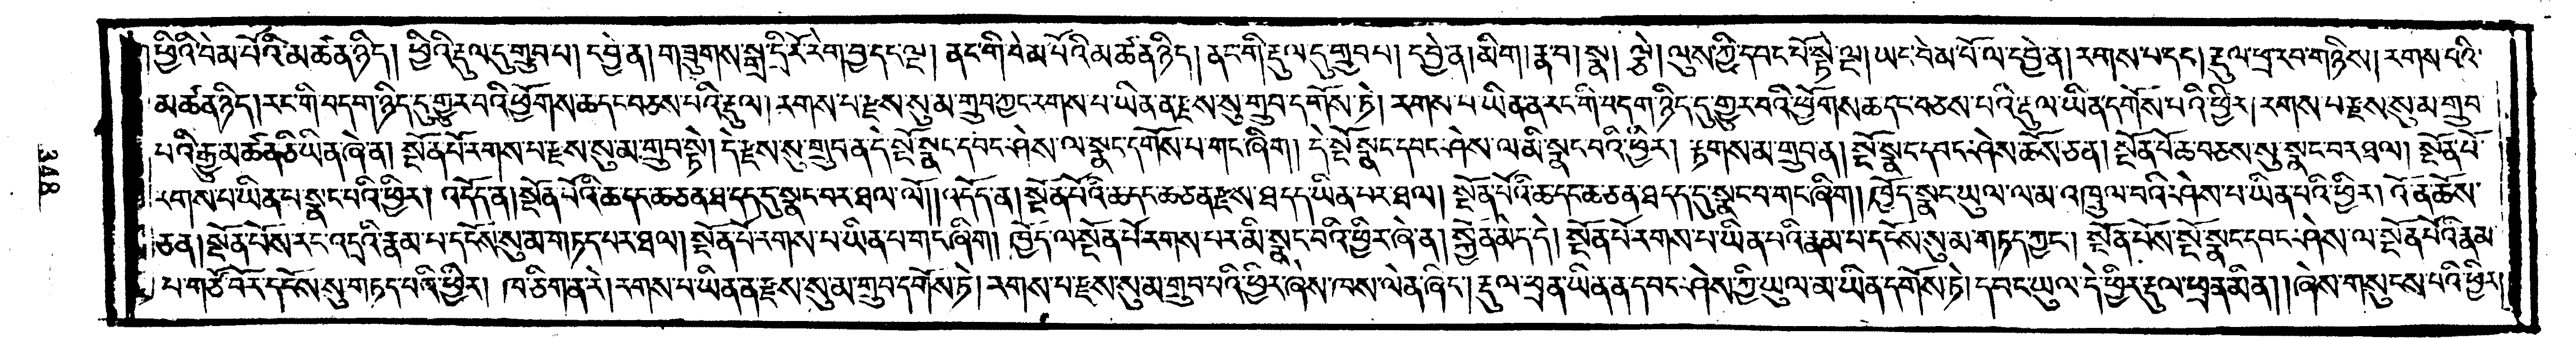ཕྱིའི་བེམ་པོའི་མཚན་ཉིད། ཕྱིའི་རྡུལ་དུ་གྲུབ་པ། དབྱེ་ན། གཟུགས་སྒྲ་དྲི་རོ་རེག་བྱ་དང་ལྔ། ནང་གི་བེམ་པོའི་མཚན་ཉིད། ནང་གི་རྡུལ་དུ་གྲུབ་པ། དབྱེ་ན། མིག །རྣ་བ། སྣ། ལྕེ། ལུས་ཀྱི་དབང་པོ་སྟེ་ལྔ། ཡང་བེམ་པོ་ལ་དབྱེ་ན། རགས་པ་དང་། རྡུལ་ཕྲ་རབ་གཉིས། རགས་པའི་
མཚན་ཉིད། རང་གི་བདག་ཉིད་དུ་གྱུར་བའི་ཕྱོགས་ཆ་དང་བཅས་པའི་རྡུལ། རགས་པ་རྫས་སུ་མ་གྲུབ་ཀྱང་རགས་པ་ཡིན་ན་རྫས་སུ་གྲུབ་དགོས་ཏེ། རགས་པ་ཡིན་ན་རང་གི་བདག་ཉིད་དུ་གྱུར་བའི་ཕྱོགས་ཆ་དང་བཅས་པའི་རྡུལ་ཡིན་དགོས་པའི་ཕྱིར། རགས་པ་རྫས་སུ་མ་གྲུབ་
པའི་རྒྱུ་མཚན་ཅི་ཡིན་ཞེ་ན། སྔོན་པོ་རགས་པ་རྫས་སུ་མ་གྲུབ་སྟེ། དེ་རྫས་སུ་གྲུབ་ན་དེ་སྔོ་སྣང་དབང་ཤེས་ལ་སྣང་དགོས་པ་གང་ཞིག །དེ་སྔོ་སྣང་དབང་ཤེས་ལ་མི་སྣང་བའི་ཕྱིར། རྟགས་མ་གྲུབ་ན། སྔོ་སྣང་དབང་ཤེས་ཆོས་ཅན། སྔོན་པོ་ཆ་བཅས་སུ་སྣང་བར་ཐལ། སྔོན་པོ་
རགས་པ་ཡིན་པ་སྣང་བའི་ཕྱིར། འདོད་ན། སྔོན་པོའི་ཆ་དང་ཆ་ཅན་ཐ་དད་དུ་སྣང་བར་ཐལ་ལོ། །འདོད་ན། སྔོན་པོའི་ཆ་དང་ཆ་ཅན་རྫས་ཐ་དད་ཡིན་པར་ཐལ། སྔོན་པོའི་ཆ་དང་ཆ་ཅན་ཐ་དད་དུ་སྣང་བ་གང་ཞིག །ཁྱོད་སྣང་ཡུལ་ལ་མ་འཁྲུལ་བའི་ཤེས་པ་ཡིན་པའི་ཕྱིར། འོ་ན་ཆོས་
ཅན། སྔོན་པོས་རང་འདྲའི་རྣམ་པ་དངོས་སུ་མ་གཏད་པར་ཐལ། སྔོན་པོ་རགས་པ་ཡིན་པ་གང་ཞིག །ཁྱོད་ལ་སྔོན་པོ་རགས་པར་མི་སྣང་བའི་ཕྱིར་ཞེ་ན། སྐྱོན་མེད་དེ། སྔོན་པོ་རགས་པ་ཡིན་པའི་རྣམ་པ་དངོས་སུ་མ་གཏད་ཀྱང་། སྔོན་པོས་སྔོ་སྣང་དབང་ཤེས་ལ་སྔོན་པོའི་རྣམ་
པ་གཙོ་བོར་དངོས་སུ་གཏད་པའི་ཕྱིར། ཁ་ཅིག་ན་རེ། རགས་པ་ཡིན་ན་རྫས་སུ་མ་གྲུབ་དགོས་ཏེ། རགས་པ་རྫས་སུ་མ་གྲུབ་པའི་ཕྱིར་ཞེས་ཁས་ལེན་ཞིང་། རྡུལ་ཕྲན་ཡིན་ན་དབང་ཤེས་ཀྱི་ཡུལ་མ་ཡིན་དགོས་ཏེ། དབང་ཡུལ་དེ་ཕྱིར་རྡུལ་ཕྲན་མིན། །ཞེས་གསུངས་པའི་ཕྱིར་